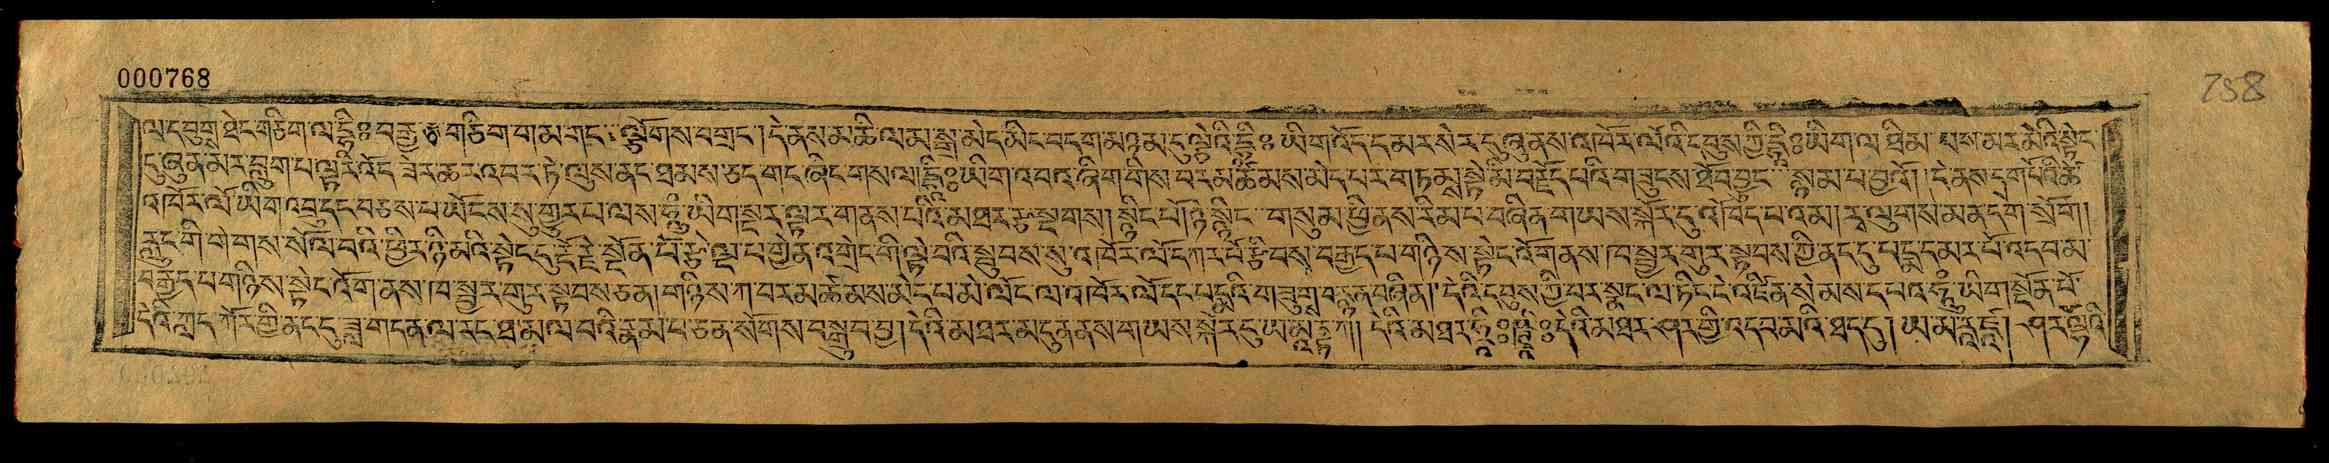ལ་དབུགས་ཐེང་གཅིག་ལ་དྷཱིཿ བརྒྱ་རྩ་གཅིག་གཾ་གང་ལྕོགས་བགྲང་། དེ་ནས་མཆིལ་མ་སྒྲ་མེད་མིད་པ་དང་མཉམ་དུ་ལྕེའི་དྷཱིཿ ཡིག་འོད་དམར་སེར་དུ་ཞུ་ནས་འཁོར་ལོའི་དབུས་ཀྱི་དྷཱིཿ ཡིག་ལ་ཐིམ་པས་མར་མེའི་སྟེང་
དུ་ཞུན་མར་བླུག་པ་ལྟར་འོད་ཟེར་ཆེར་འབར་ཏེ་ལུས་ནང་ཐམས་ཅད་གང་ཞིང་གསལ། དྷཱིཿ ཡིག་འབའ་ཞིག་གིས་བར་མཚམས་མེད་པར་གཏམས་སྟེ་མི་བརྗེད་པའི་གཟུངས་ཐོབ་བྱུང་སྙམ་པ་བྱའོ། །དེ་ནས་དྲག་པོའི་ཚེ་
འཁོར་ལོ་ཡིག་འབྲུ་དང་བཅས་པ་ཡོངས་སུ་གྱུར་པ་ལས་ཧཱུཾ་ཡིག་སྔར་ལྟར་གནས་པའི་མཐར་རྩ་སྔགས། སྙིང་པོ། ཉེ་སྙིང་གསུམ་ཕྱི་ནས་རིམ་པ་བཞིན་གཡས་སྐོར་དུ་འཁོད་པ་འམ། རྭ་ལུགས་མན་ངག་སྲོག་
རླུང་གི་གེགས་སེལ་བའི་ཕྱིར་ཉི་མའི་སྟེང་དུ་རྡོ་རྗེ་སྔོན་པོ་རྩེ་ལྔ་པ་གྱེན་འགྲེང་གི་ལྟེ་བའི་སྦུབས་སུ་འཁོར་ལོ་དཀར་པོ་རྩིབས་བརྒྱད་པ་གཉིས་སྟེང་འོག་ནས་ཁ་སྦྱར་གུར་སྟབས་ཀྱི་ནང་དུ་པདམ་དམར་པོ་འདབ་མ་
བརྒྱད་པ་གཉིས་སྟེང་འོག་ནས་ཁ་སྦྱར་གུར་སྟབས་ཅན། གཉིས་ཀ་བར་མཚམས་མེད་པ་མེ་ལོང་ལ་འཁོར་ལོ་དང་པདམའི་གཟུག་བརྙན་བཞིན། དེའི་དབུས་ཀྱི་བར་སྣང་ལ་ཏིང་ངེ་འཛིན་སེམས་དཔའ་ཧཱུཾ་ཡིག་སྔོན་པོ།
དེའི་ཀླད་ཀོར་གྱི་ནང་དུ་ཟླ་གདན་ལ་རང་ཐ་མལ་བའི་རྣམ་པ་ཅན་སོགས་བསྒྲུབ་བྱ། དེའི་མཐར་མདུན་ནས་གཡས་སྐོར་དུ་ཡ་མཱནྟ་ཀ། དེའི་མཐར་ཧྲཱིཿ ཥྚྲཱིཿ དེའི་མཐར་ཤར་གྱི་འདབ་མའི་ཐད་དུ། ཡ་མ་རཱ་ཛཱ། ཤར་ལྷོའི་